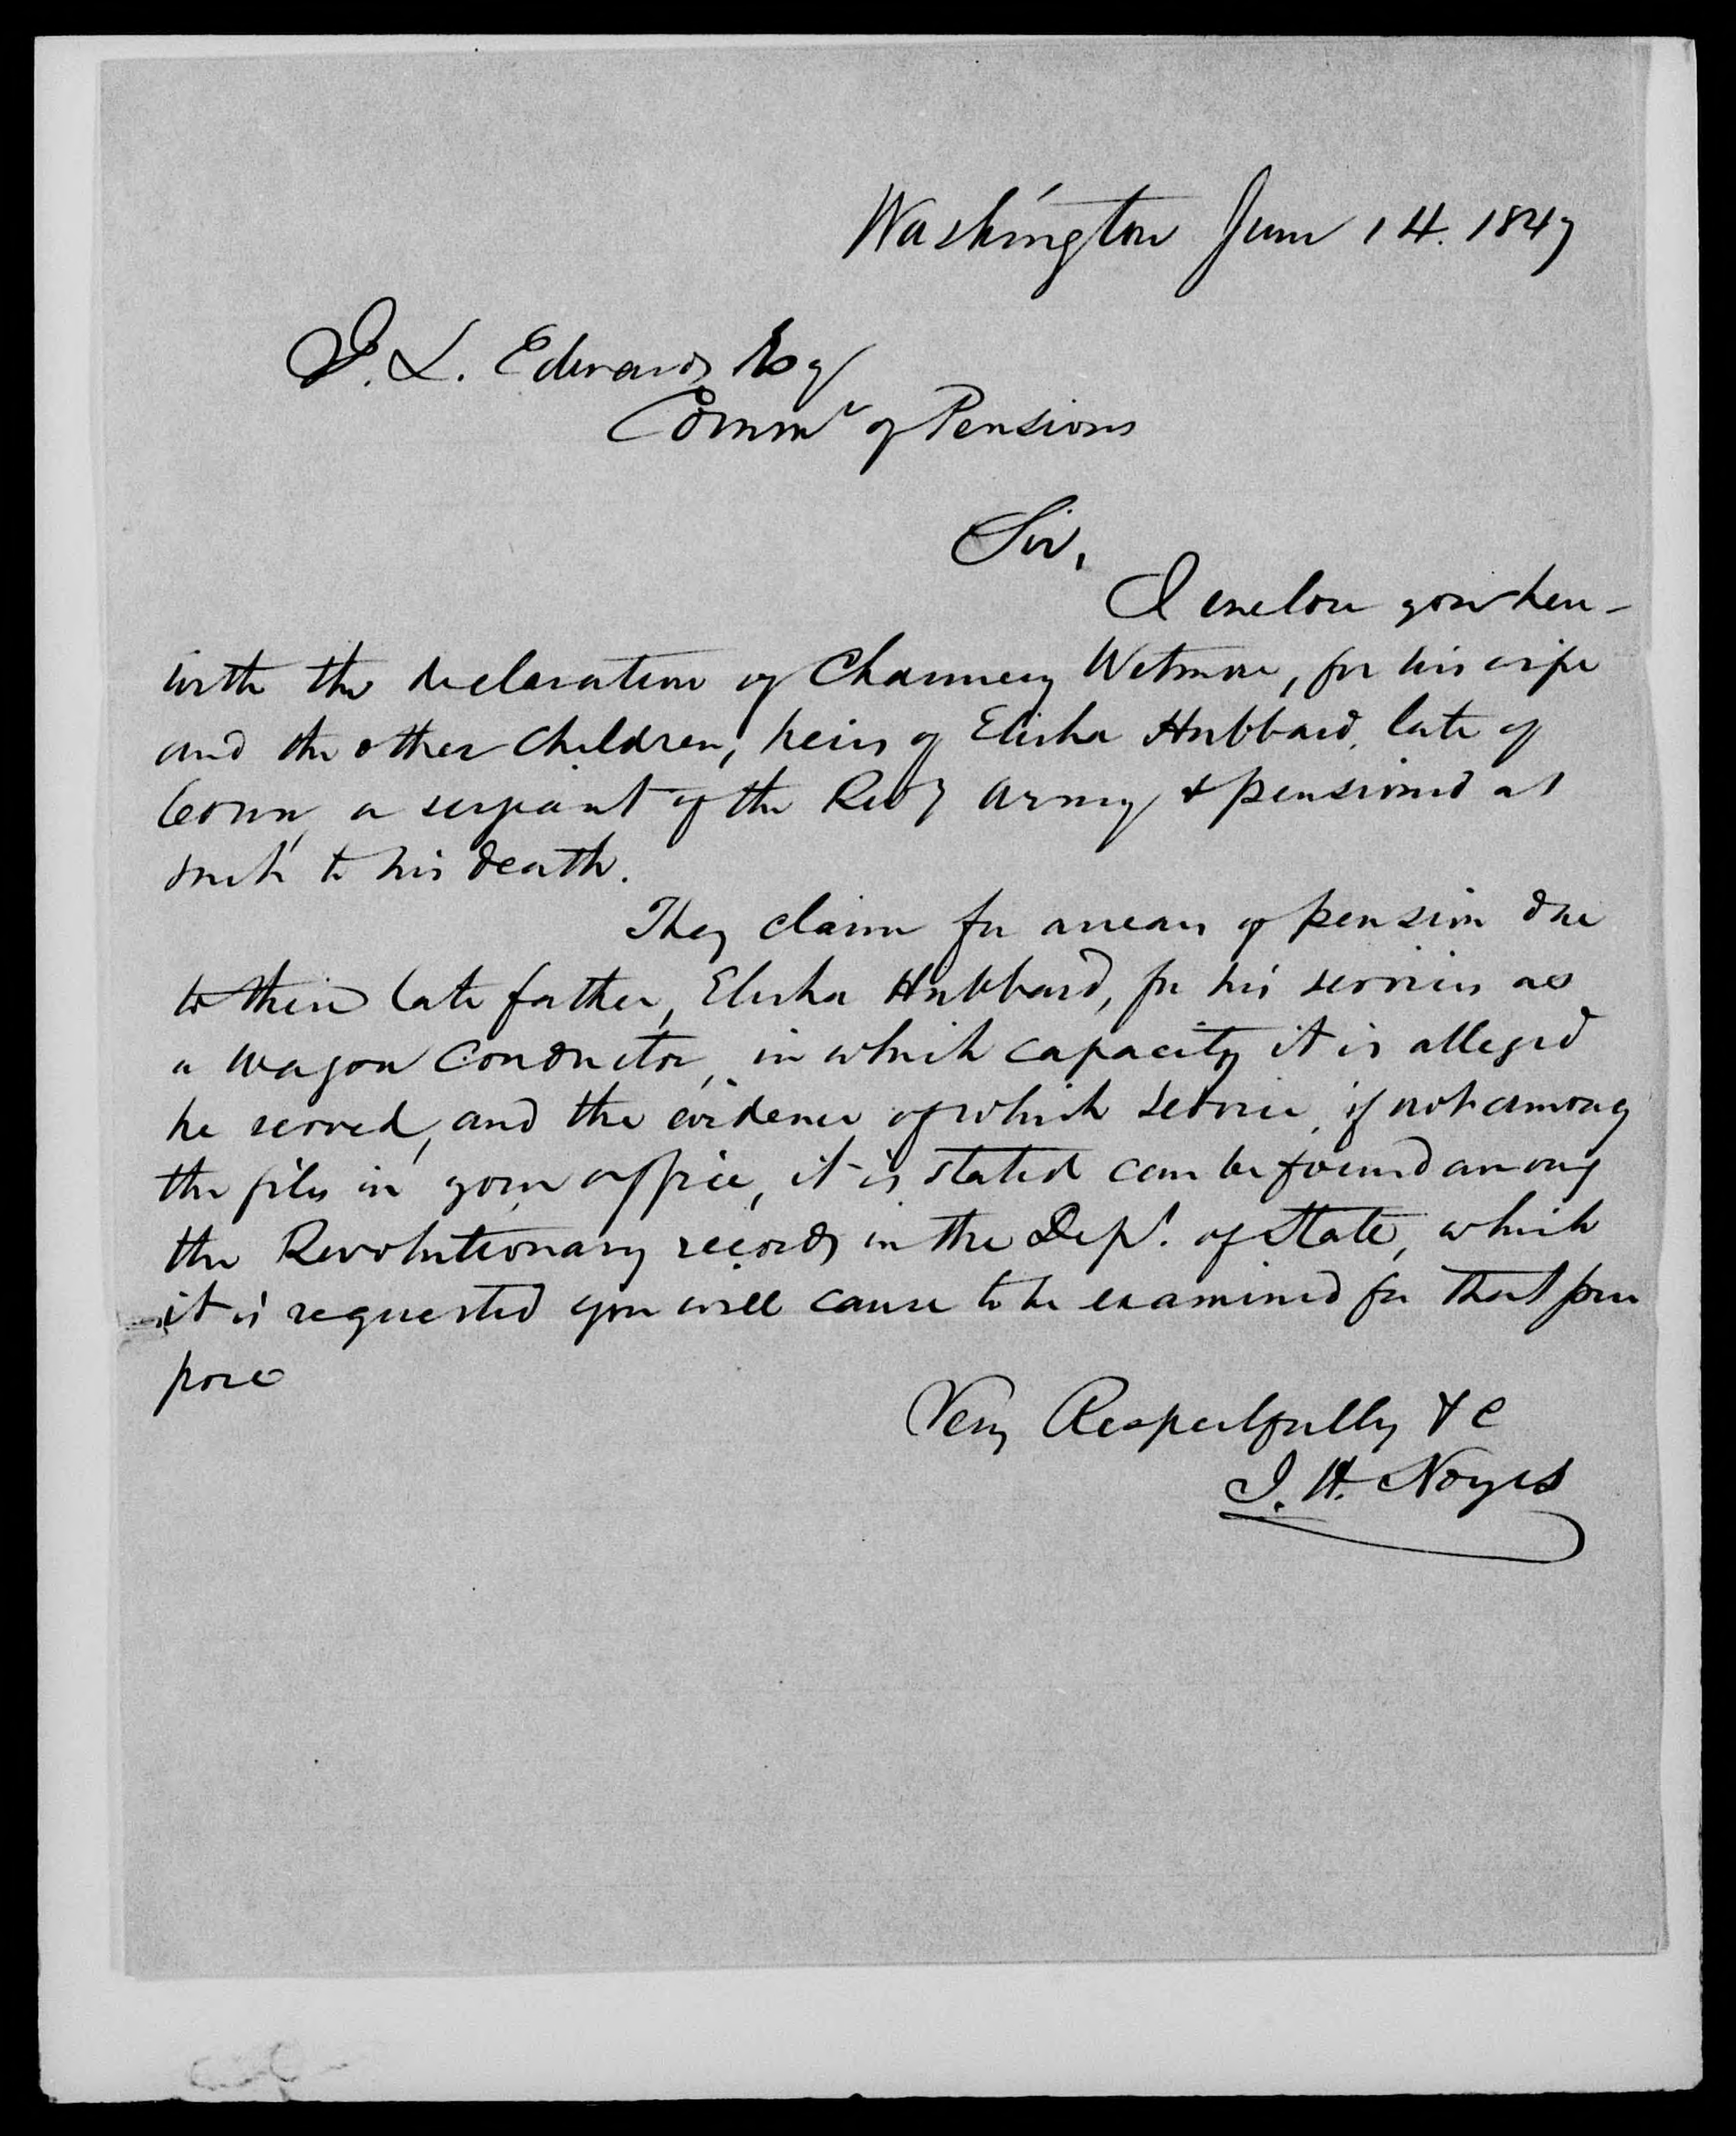Sir,

I (?) herewith the declaration of Chauncey Wetmore, for his wife and the other children, heirs of Elisha  Hubbard late of Conn a sergant of the Rev Army & pensions as met to his death.

The claim for (?) of pension the (?) their late father, Elisha Hubbard, for his service as a wagon cononitor, in which capacity it is alleged he served, and the evidence of which service, if not among the files in your office, it is stated can be found among the Revolutionary record in the Dept. of State, which it is requested you will cause to be examined for that purpose

Very Respectfully & c
J. H Noyes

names: Chauncey Wetmore, Elisha Hubbard, J L Edwards, J H Noyes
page: 31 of 63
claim: survivor's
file: S. 18457, Elisha Hubbard, Conn. Continental